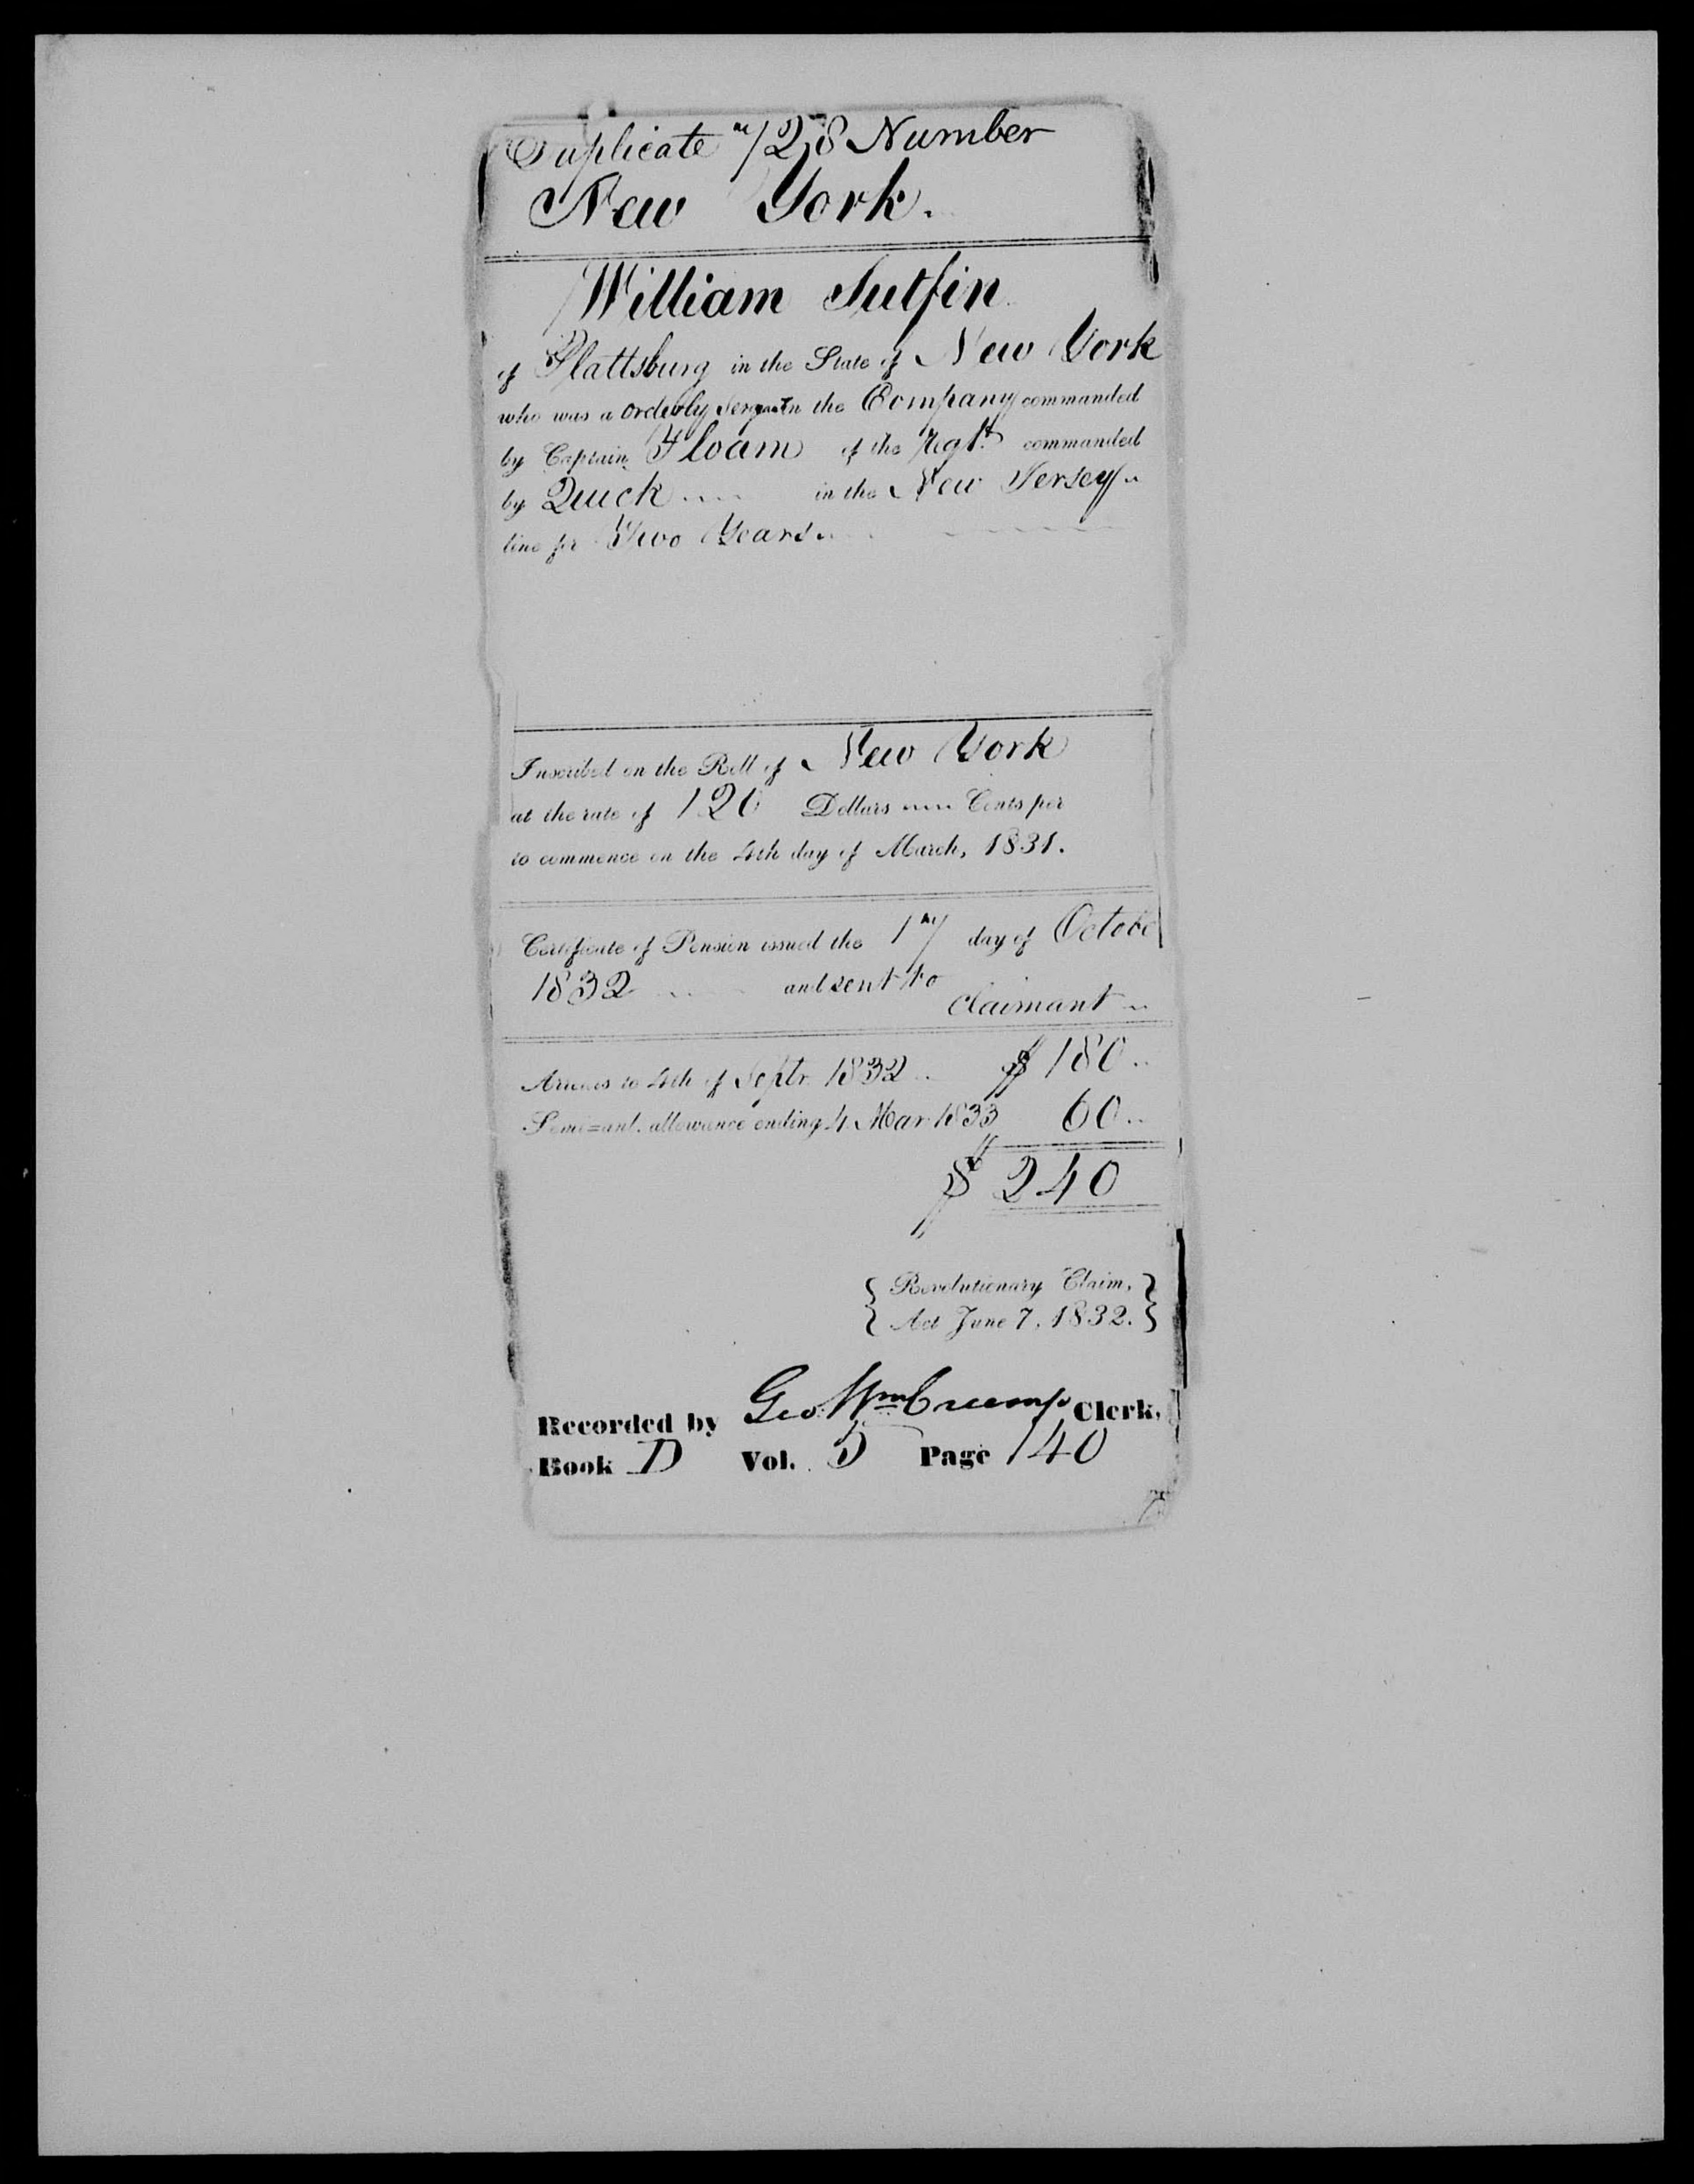Suplicate 728 Number
New York
William Sutfin
of Plattsburg in the State of New York
who was a Orderly Sergeant in the Company commanded by Captain Yloam of the Regt. [Regiment] commanded by Quick ~~ in the New Jersey line for Two Years.

Inscribed on the Roll of . New York at the rate of 120 Dollars ~~ Cents per to commence on the 4th day of March, 1831.

Certificate of Pension issued the 17 day of October 1832 ~~ and sent to claimant ~

Arrives to 4th of Septr. [September] 1832 ~ $180
Semi = anl. [annual] allowance ending 4 Mar 1833 60
$240

{Revolutionary Claim, Act June 7, 1832.}  [Brackets on original document]

Recorded by Geo Wm Crump Clerk Book D Vol. 5 Page 140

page: 2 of 11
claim: survivor's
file: S. 14628, for William Sutfin, New Jersey